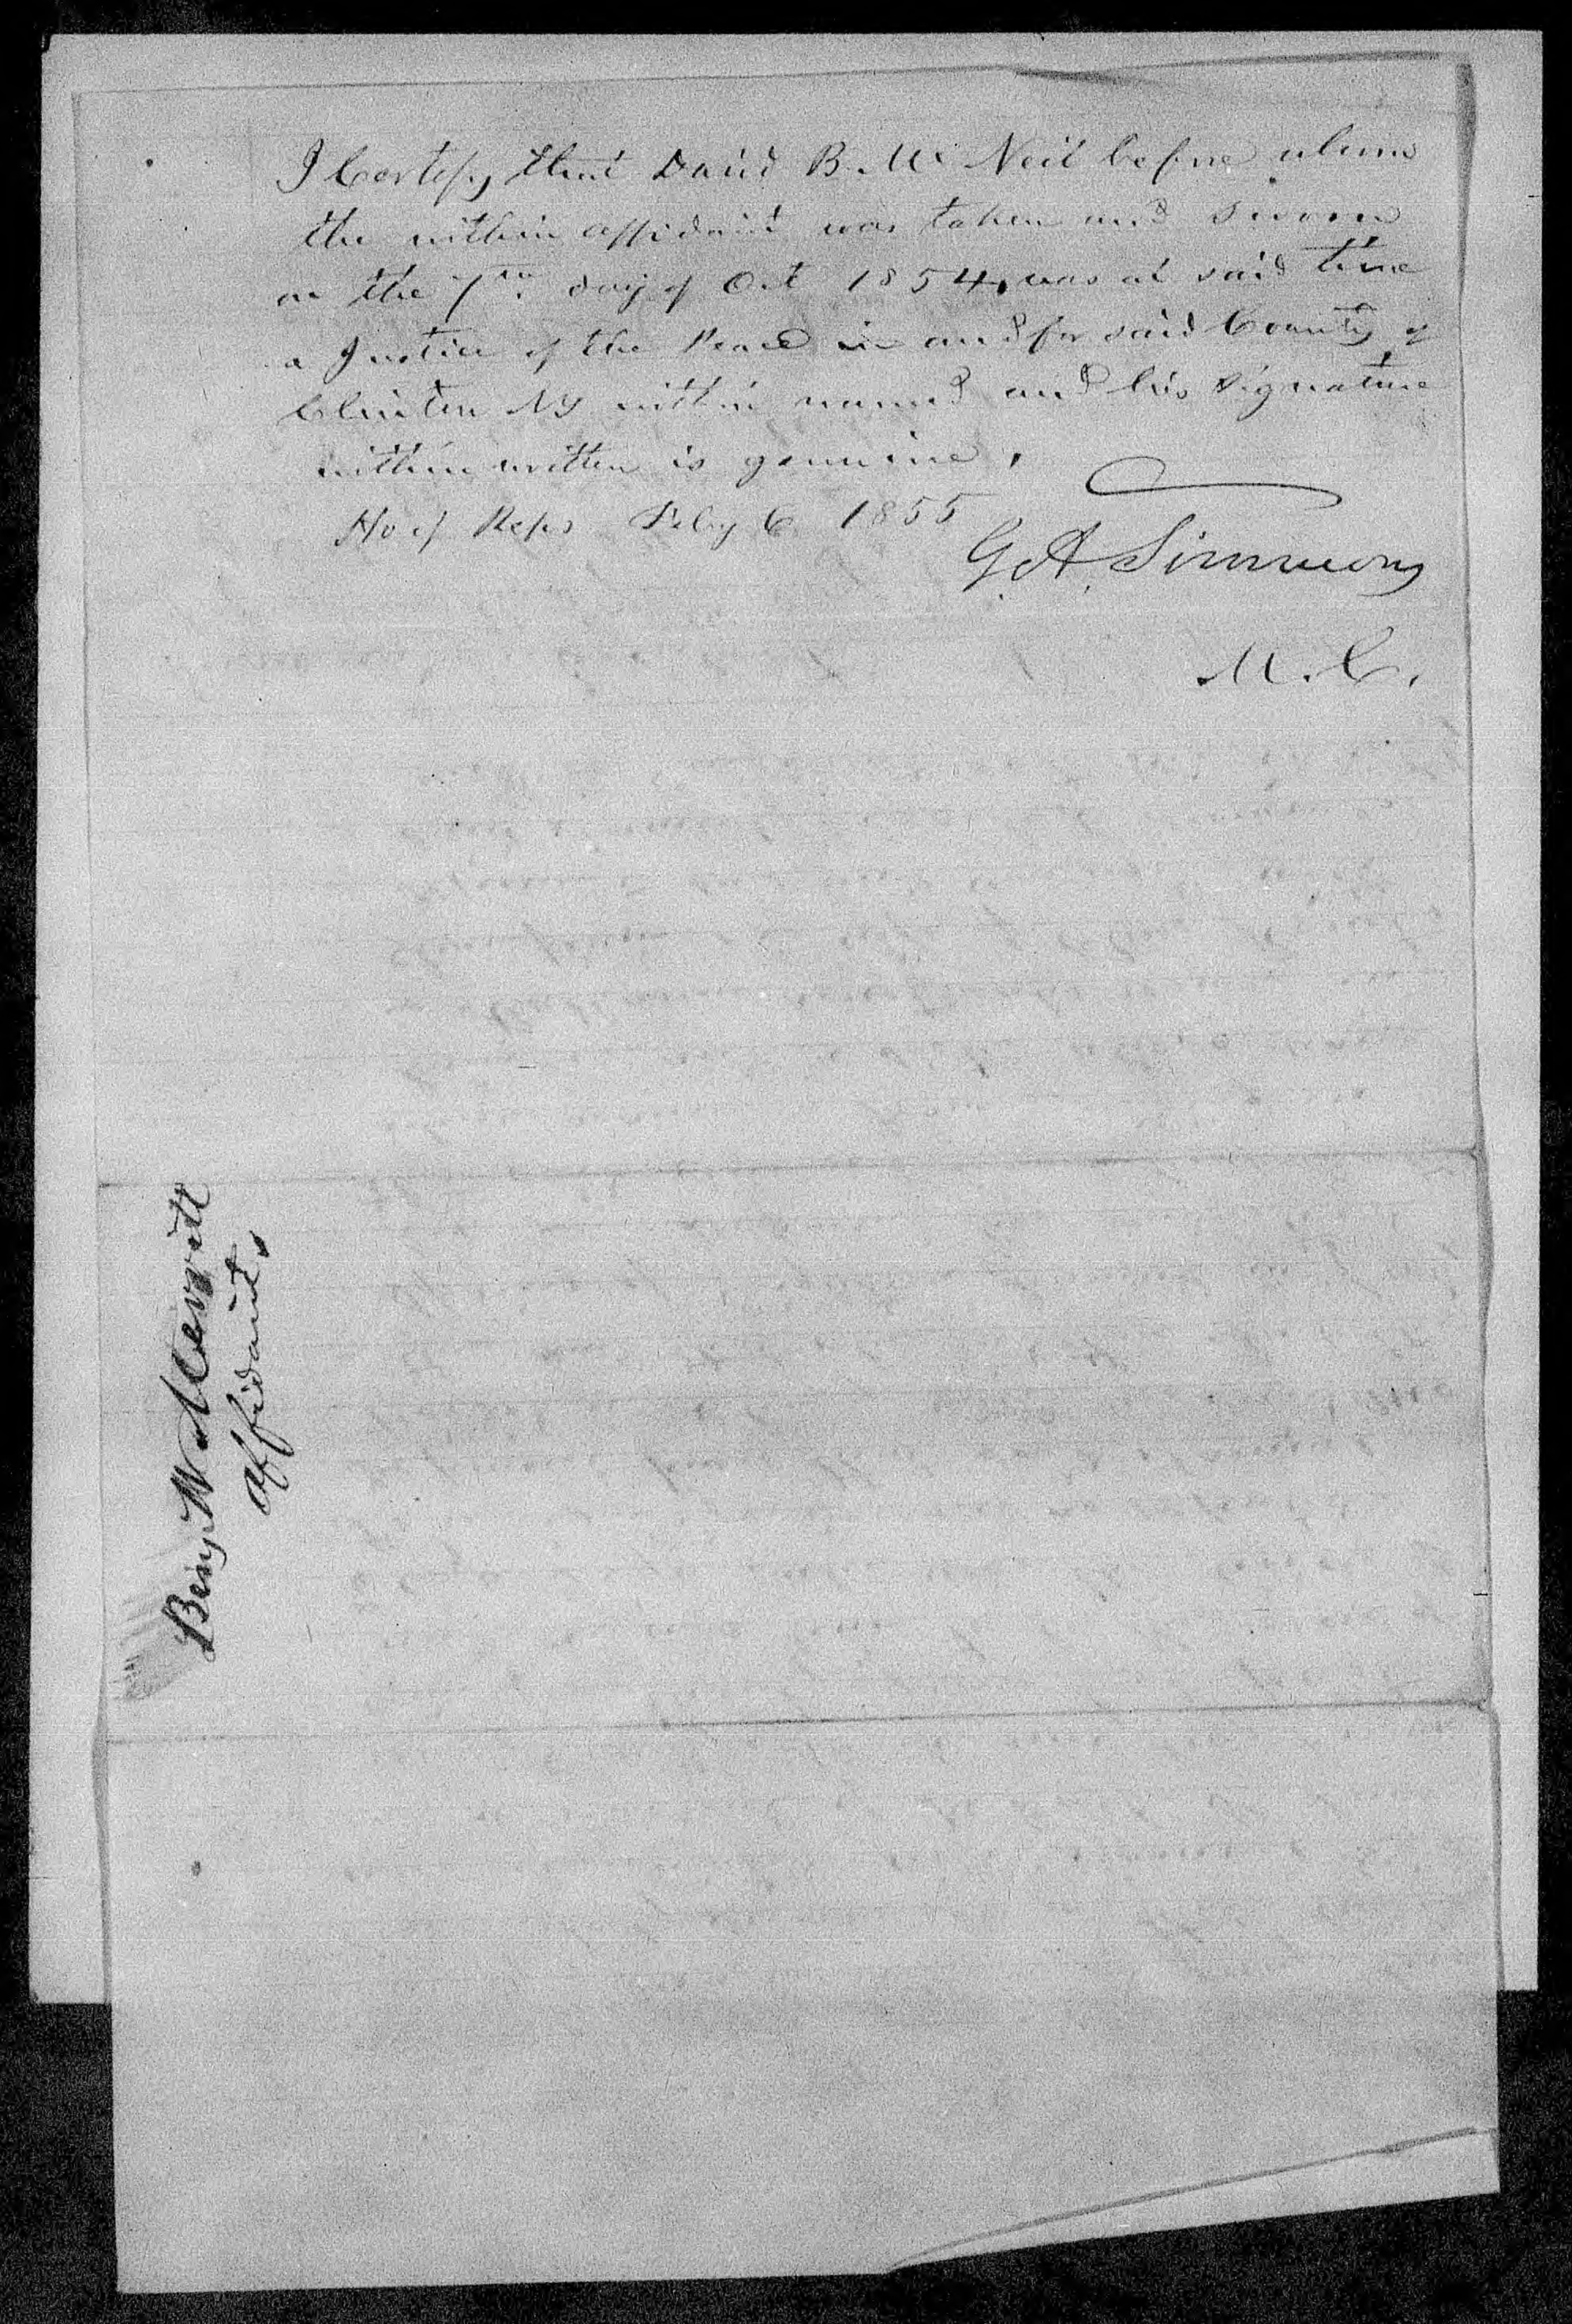I certify that David B. W. Neil before whom the within affidavit was taken and sworn on the 7th day of Oct 1854, was at said time a Justice of the Peace in our S for said county of Clinton NY within named are his signature within written is genuine.
[illegible] Feby 6, 1855
G.A. Simmruony   M.C.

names: G A Simmons, Benj W Merritt, David B Mc Neil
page: 45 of 98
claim: widow's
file: W. 21182, Francis Gigo, Continental (Canadian)